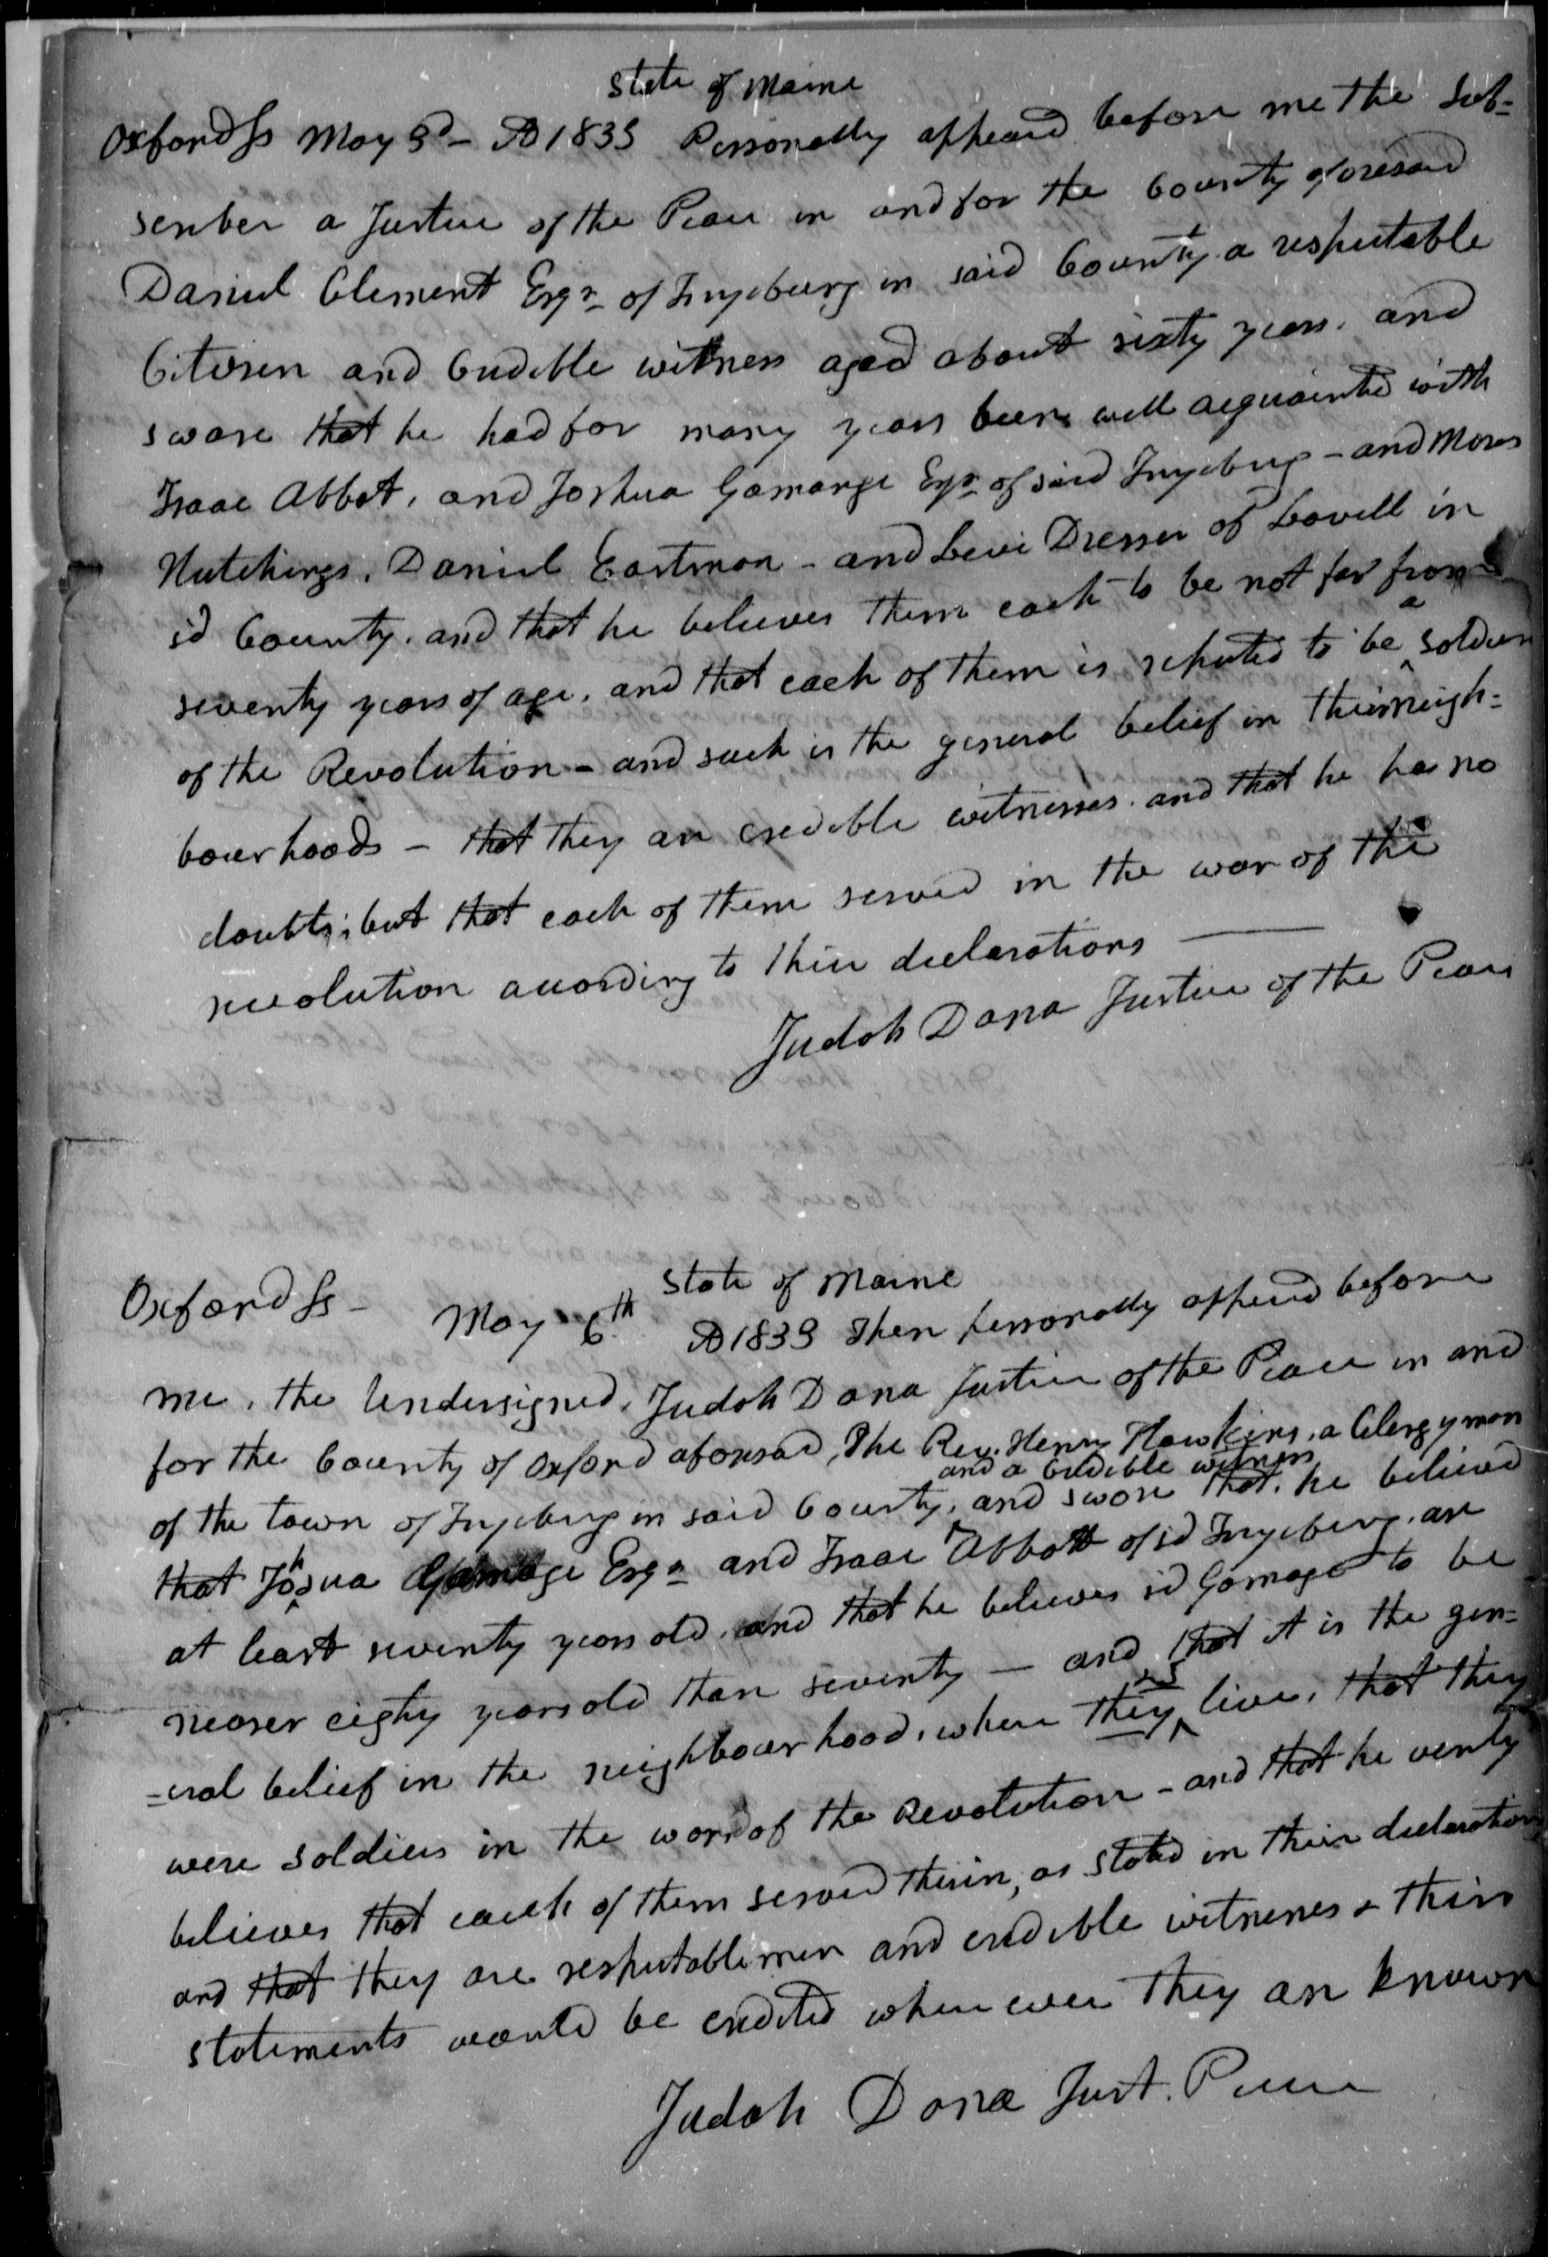State of Maine
Oxford ss. May 3rd, A.D. 1835. Personally appeared before me the subscriber a Justice of the peace in and for the County aforesaid, Daniel Clement, Esq. of Fryeburg in said County, a respectable citizen and credible witness, aged about sixty years, and swore that he had for many years been well acquainted with Isaac Abbot. and Joshua Gomange, Esq. of said Fryeburg - and Moses Hutchings, Daniel Eastman - and Levi Dresser of Lovell in said County and that he believes them each to be not far from seventy years of age, and that each of them is [illegible] to be soldiers of the Revolution - and such is the general belief in their neighborhoods - that they are credible witnesses and that he has no doubts; but that each of them served in the War of the Revolution according to their declarations.
[SIGNED: Judah Dana] Justice of the Peace


State of Maine
Oxford ss. - May 6th, A.D. 1833. Then personally appeared before me, the undersigned, Judah Dana, Justice of the Peace in and for the County of Oxford aforesaid. The Rev. Henry Hawkins, a Clergyman of the town of Fryeburg in said County, and a credible witness, and swore that he believed that Joshua Gomange, Esq. and Isaac Abbott of said Fryeburg, are at least seventy years old, and that he believes said Gomange, to be nearer eighty years old, than seventy - and that it is the general belief in the neighborhood, where the said lives, that they were soldiers in the War of the Revolution - and that he verily believes that each of them served therein, as stated in their declarations, and that they are respectable men and credible witnesses + their statements would be credited where ever they are known.
[SIGNED: Judah Dana] Just. Peace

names: Henry Hawkins, Moses Hutchings, Judah Dona, Judah Dona, Levi Dresser, Joshua Gomarge, Isaac Abbott, Judah Dona, Daniel Clement, Daniel Eastmon, Joshua Gamage, Isaac Abbot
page: 11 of 86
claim: survivor's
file: S 29,568, Isaac Abbot, Mass